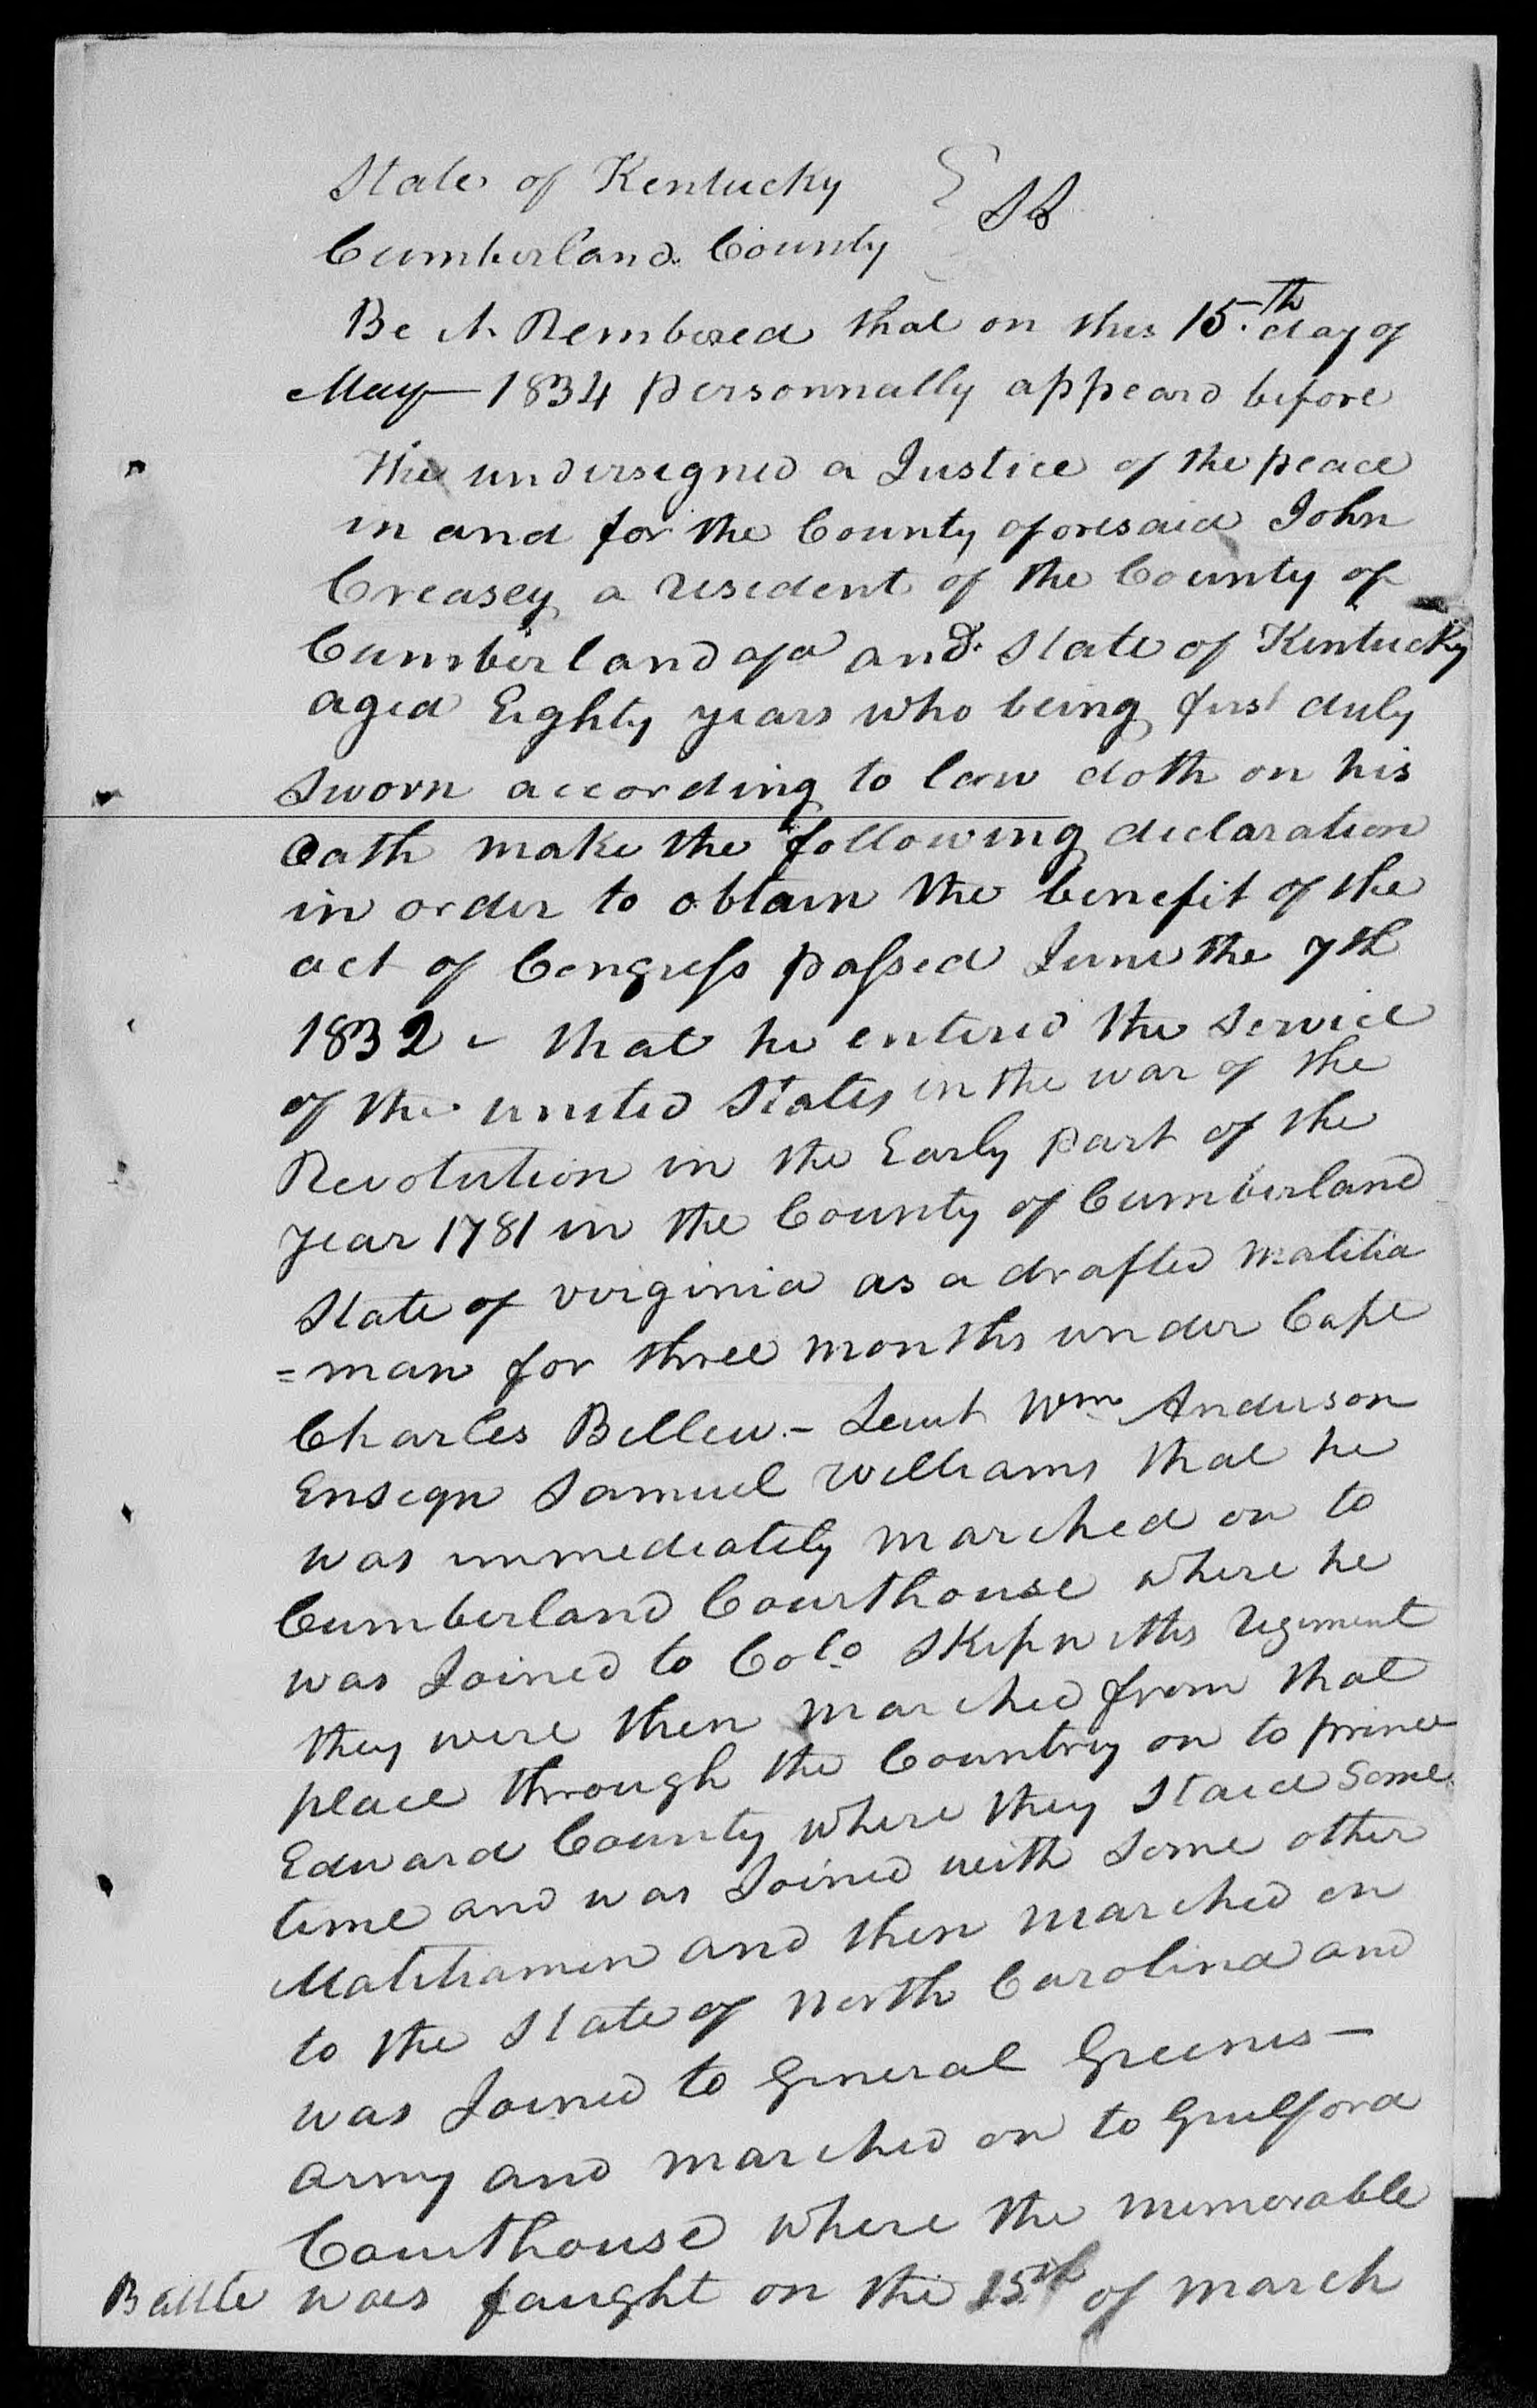State of Kentucky      )
Cumberland County  ) ss

Be it Rembered [remembered] that on this 15th day of 
May 1834 personally appeared before 
The undersigned a Justice of the peace 
in and for the County aforesaid John 
Creasey a resident of the County of Cumberland afd [aforesaid] and state of Kentucky 
aged Eighty years who being first duly 
sworn according to law doth on his 
oath make the following declaration 
in order to obtain the benefit of the 
act of Congress passed June the 7th 
1832 that he entered the service 
of the United States in the war of the Revolution in the Early part of the 
year 1781 in the County of Cumberland 
State of Virginia as a drafted malitia [militia]
=man for three months under Capt 
Charles Bellow-- Leiut [lieutenant] Wm. Anderson 
Ensign Samuel Williams that he 
was immediately marched on to 
Cumberland Courthouse where he 
was joined to Colo. [Colonel] Skipwiths regiment 
they were then marched from that 
place through the Country on to prince 
Edward County where they staied [stayed] some 
time and was joined with some other Malitiamen [militiamen] and then marched on to the state of North Carolina and 
was Joined to General Greene's --
army and marched on to Guilford 
Courthouse where the memorable 
Battle was fought on this 15th of March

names: Wm Anderson, Charles Bellew, Samuel Williams, John Creasey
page: 4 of 16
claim: survivor's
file: S. 37,877, John Creasey, Va.